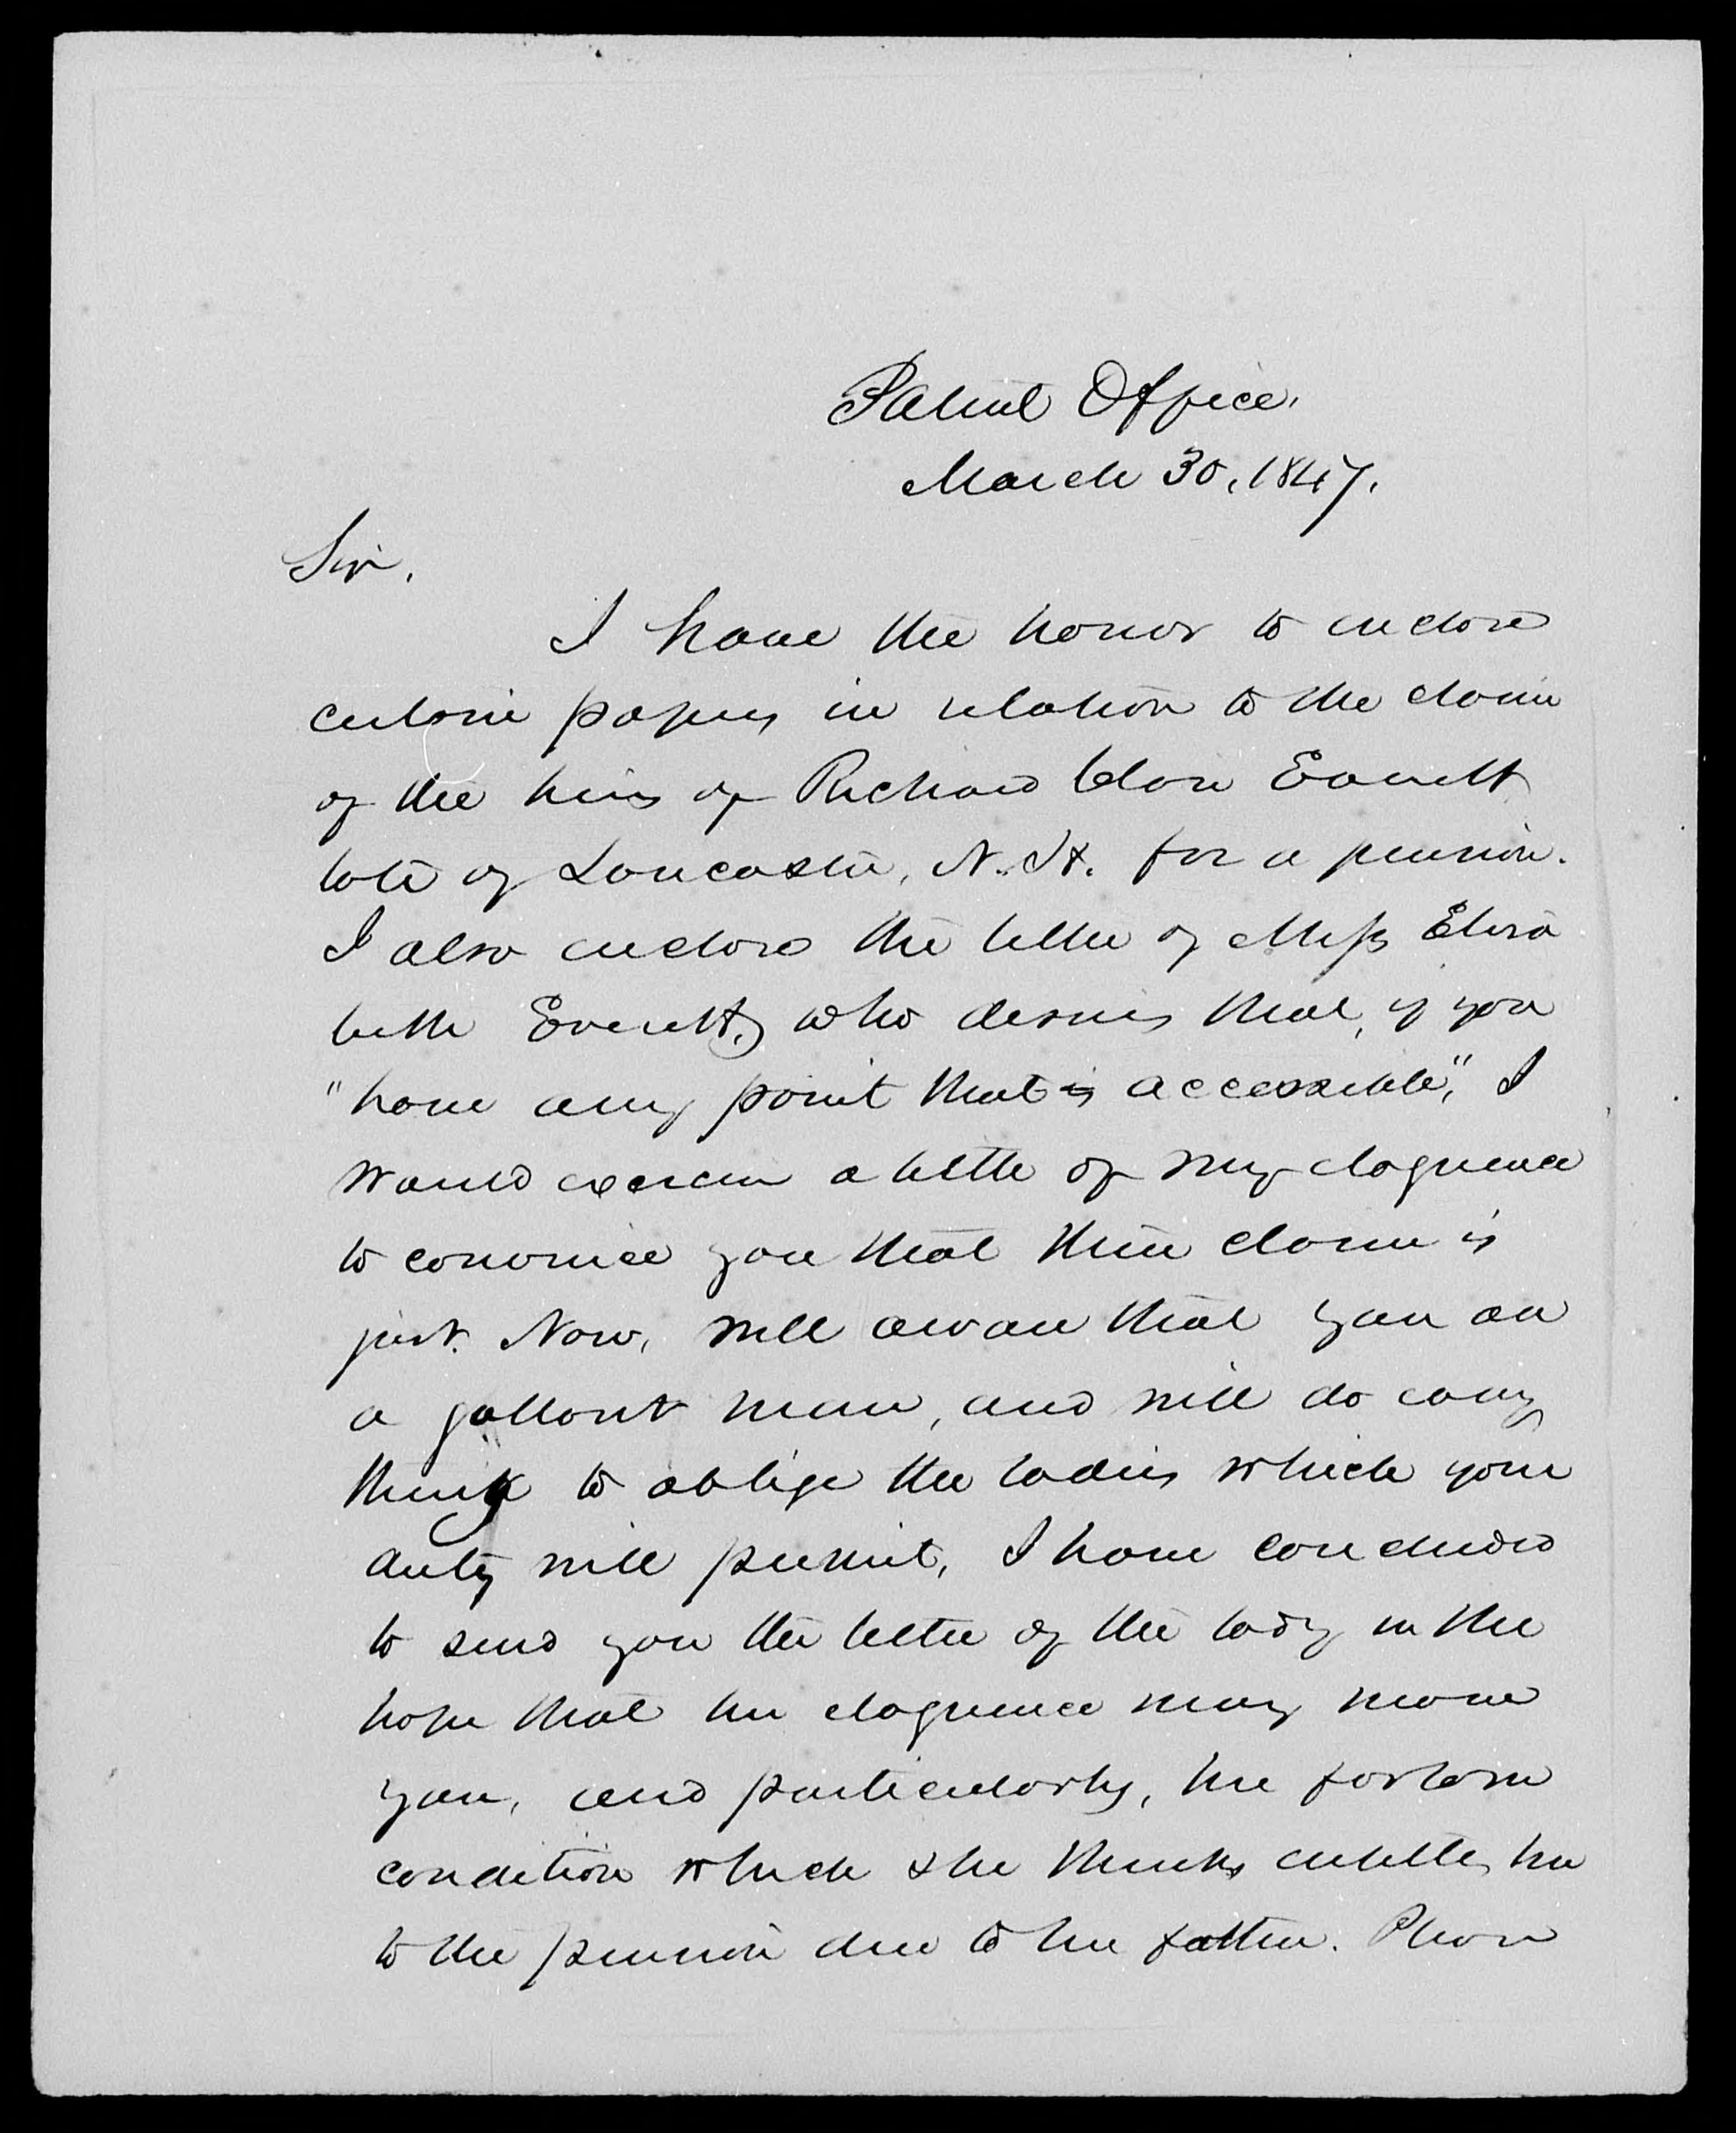[illegible] Office.
March 30, 1847.
Sir,
I have the honor to enclose certain papers in relation to the claim of the heirs of Richard Clair Everett late of Lancaster, N.H. for a pension. I also enclose the letter of Miss Elisabeth Everett, who desires that, if you "have any point that is accessible," I would exercise a little of my eloquence to convince you that their claim is just. Now, well aware that you are a gallant man, and will do any thing to oblige the ladies which your auty [authority] will permit, I have concluded to send you the letter of the lady in the hope that her eloquence may move you, and particularly, her forlorn condition which she thinks entitles her to the pension due to her father. Please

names: Elizabeth Everett, Richard Clair Everett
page: 31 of 59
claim: widow's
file: W. 23017, Richard Clair Everett, Mass.